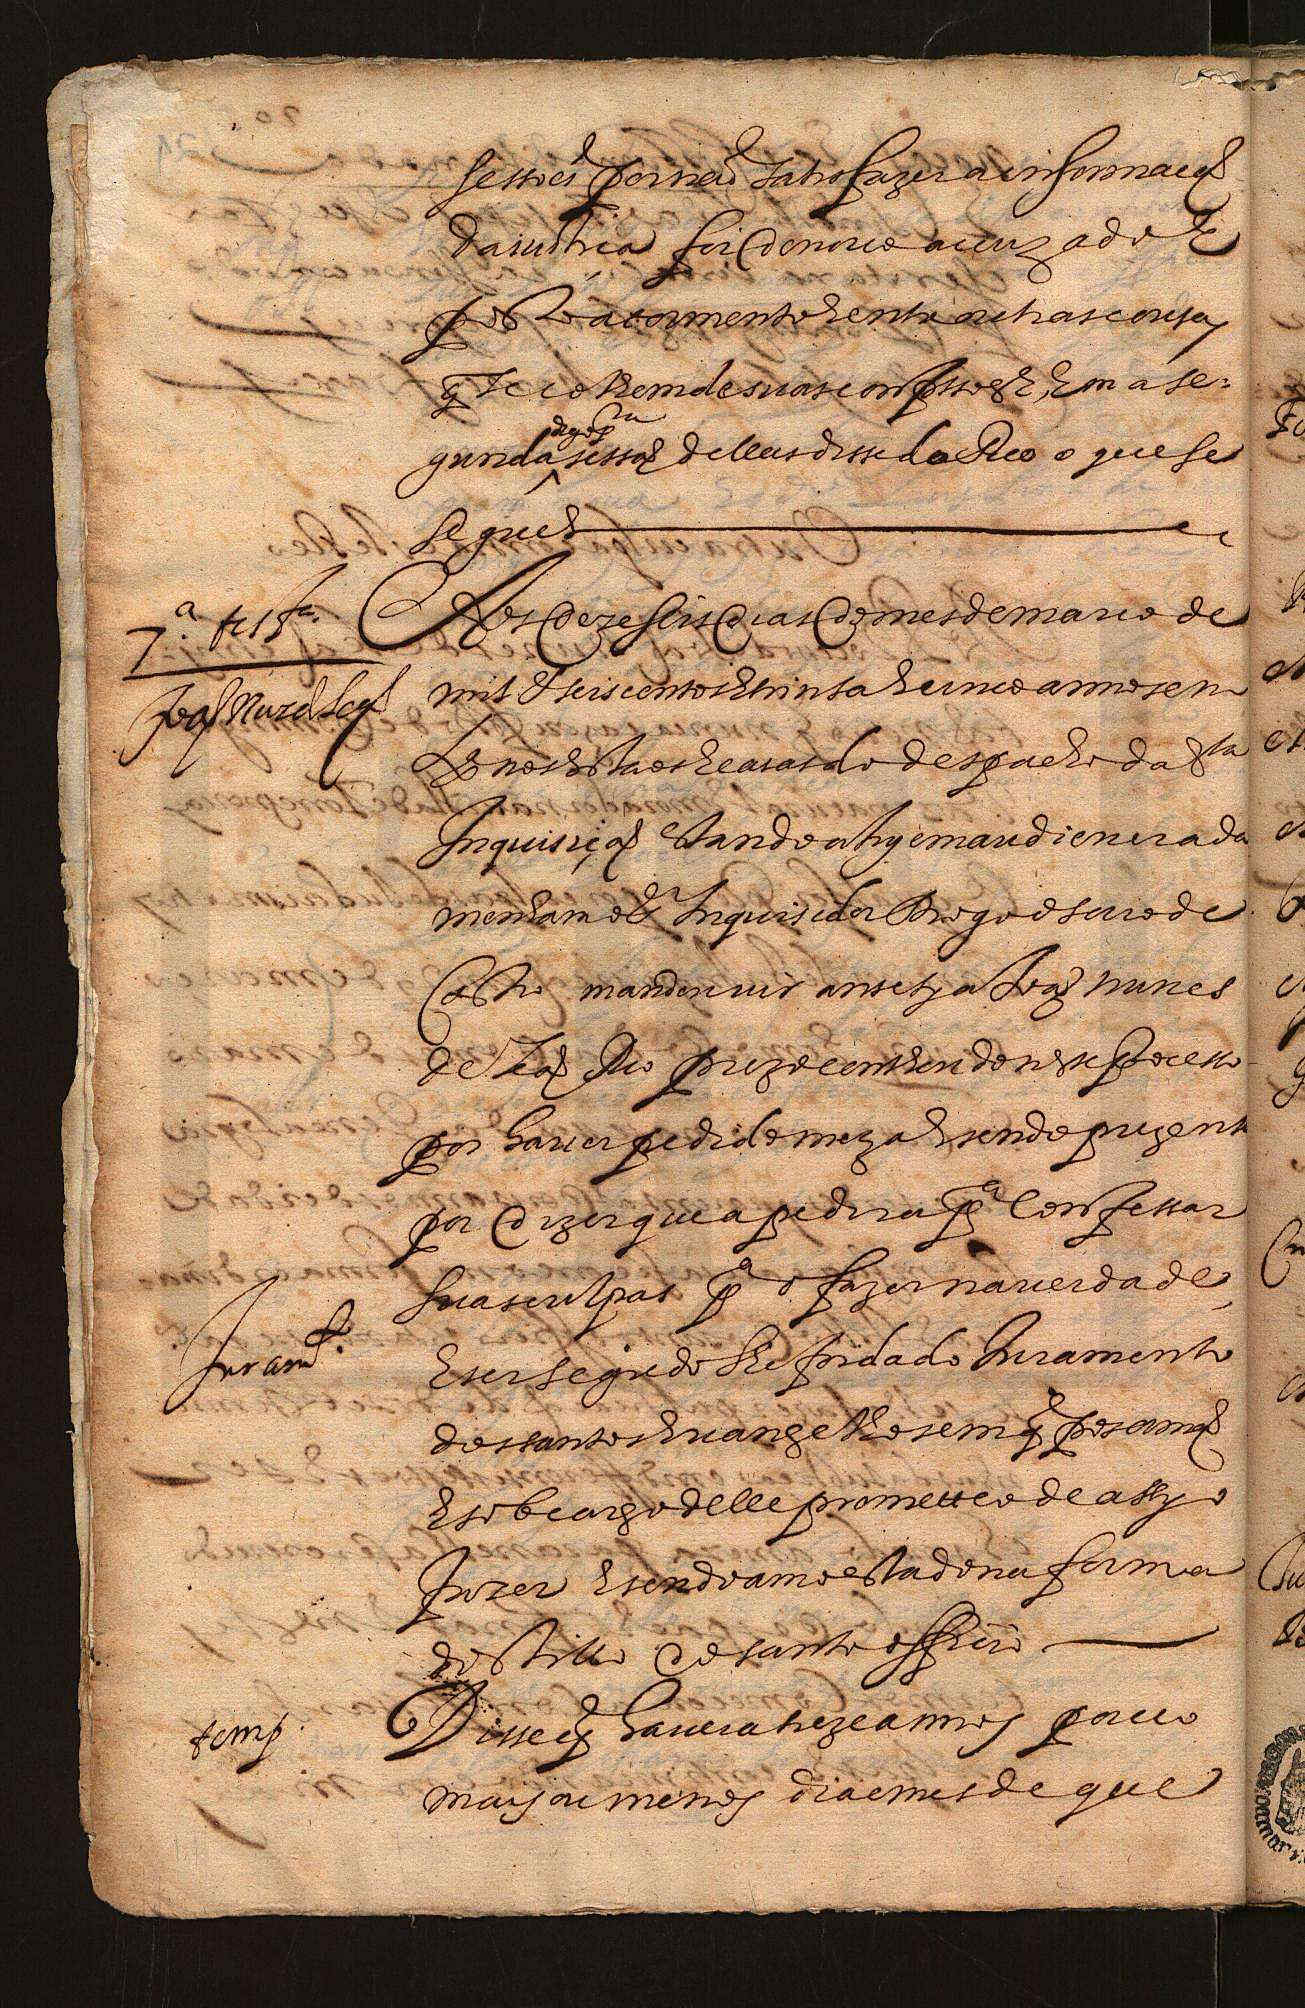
7.a testa.
Joaõ nuz d Leaõ
Juramto.
temp.
sessoẽs por naõ satisfazer a informaçaõ
da iustiça foi de nouo accuzado E
posto a tormento E entre outras cousas
q̄ se cothem de suas confissoes, Em a se
digo pra
gunda sessaõ dellas disse do Reo o que se
segue
Aos dezeseis dias do mes de março de
mil & seiscentos E trinta E cinco annos em
Lxa nos Estaos E casas do despacho da Sta
Jnquisiçaõ estando ahy em audiencia da
menham o sor Inquisidor Diogo osorio de
Castro mandou uir ante sy a Joaõ nunes
de Leaõ Reo prezo contheudo neste processo
por hauer pedido meza E sendo prezente
por dizer que a pedira pa confessar
suas culpas pa o fazer na uerdade
E ter segredo lhe foi dado Juramento
dos santos Euangelhos em q̄ pos a maõ
E sob cargo delle prometteo de assy o
fazer, E sendo amoestado na forma
do stillo do santo officio.
Disse q̄ hauera treze annos pouco
mais ou menos dia e mes de que
